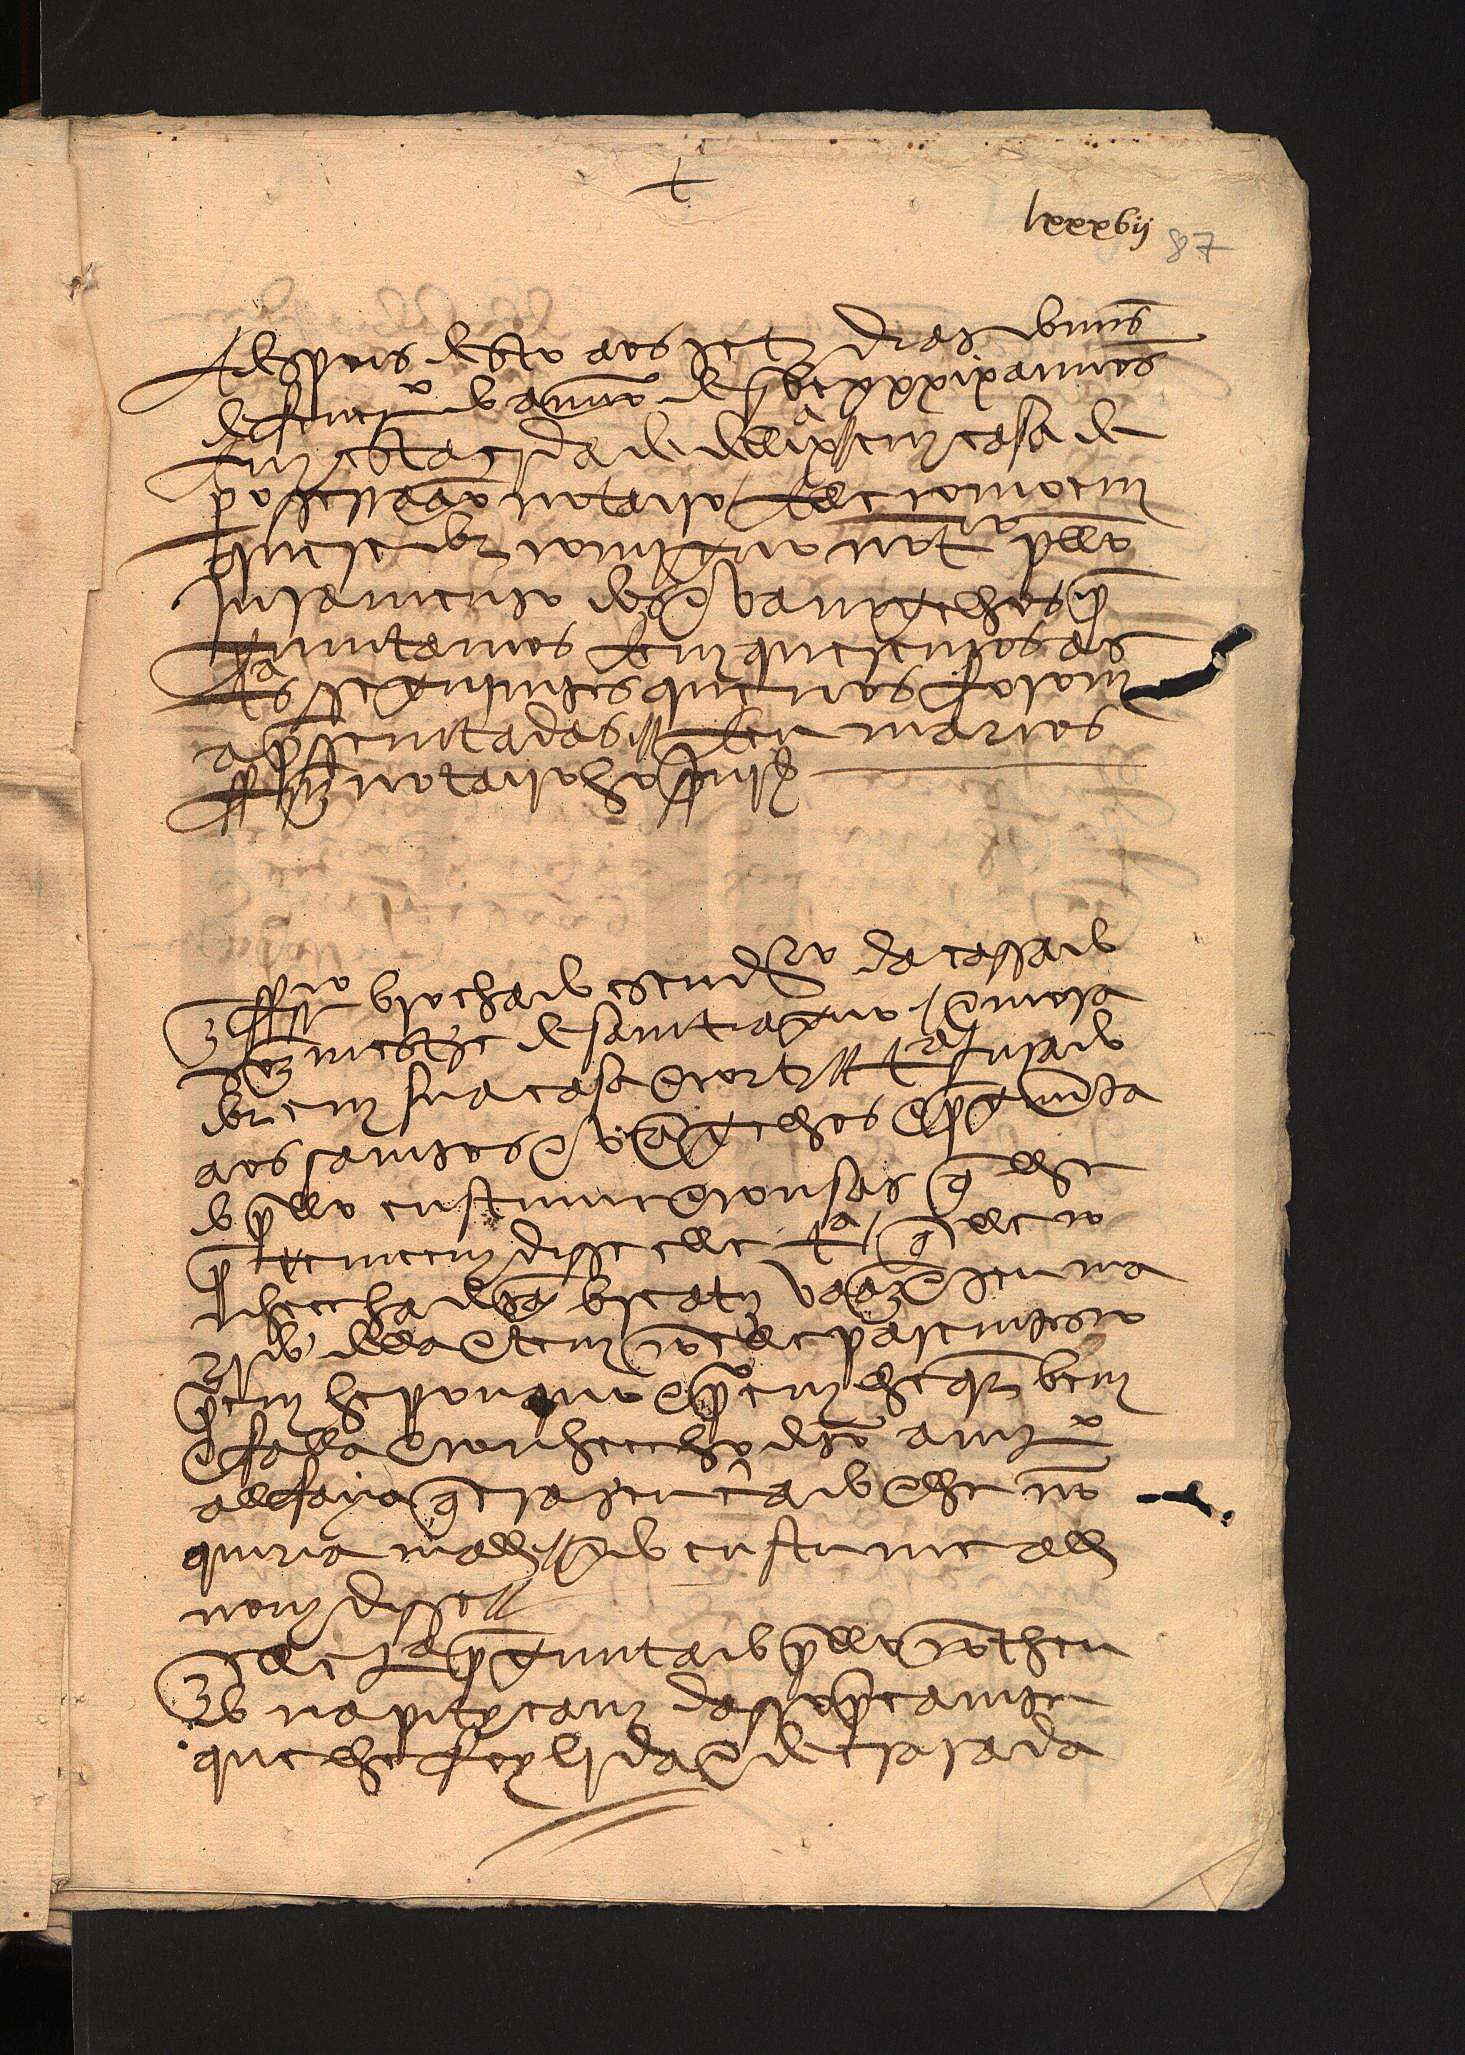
lxxxbij
E despois desto aos sete dias do mes
de feuero do anno de j̄ bc xxxix annos
Em esta cjdade de llixa / em casa de
ꝑo sserraão notairo / Elle como em
queredor comjguo notro p̄llo
Juramento dos evamgelhos p̄
gumtamos E emqueremos as
tas ssegujmtes que nos forom
ap̄ssemtadas // E eu marcos
ffrz̄ notarjo ho sp̄uj
item ffrrco brochado escudro da cassa do
sōr mestre de samtiaguo / e mora
dor em sua casa e corte // ta Jurado
aos samtos evāgelhos e p̄gun̄ta
do p̄llo custume e cousas q̄ lhe
p̄temcem disse elle ta / q̄ elle co
nhece ha dita breatiz vaāz e seu ma
rjdo della e tem c̄o elle paremtesco
p̄oem he pouquo e p̄oem lhe q̄r bem
e falla e conhece ho dito amto
allfaya q̄ era seu c̄ado e lhe nō
queria mall // e do custume all
nom disse
item elle ta p̄guntado p̄llo c̄otheu
do na pityçam da ssop̄camte
que lhe foy ljda e decrarada
